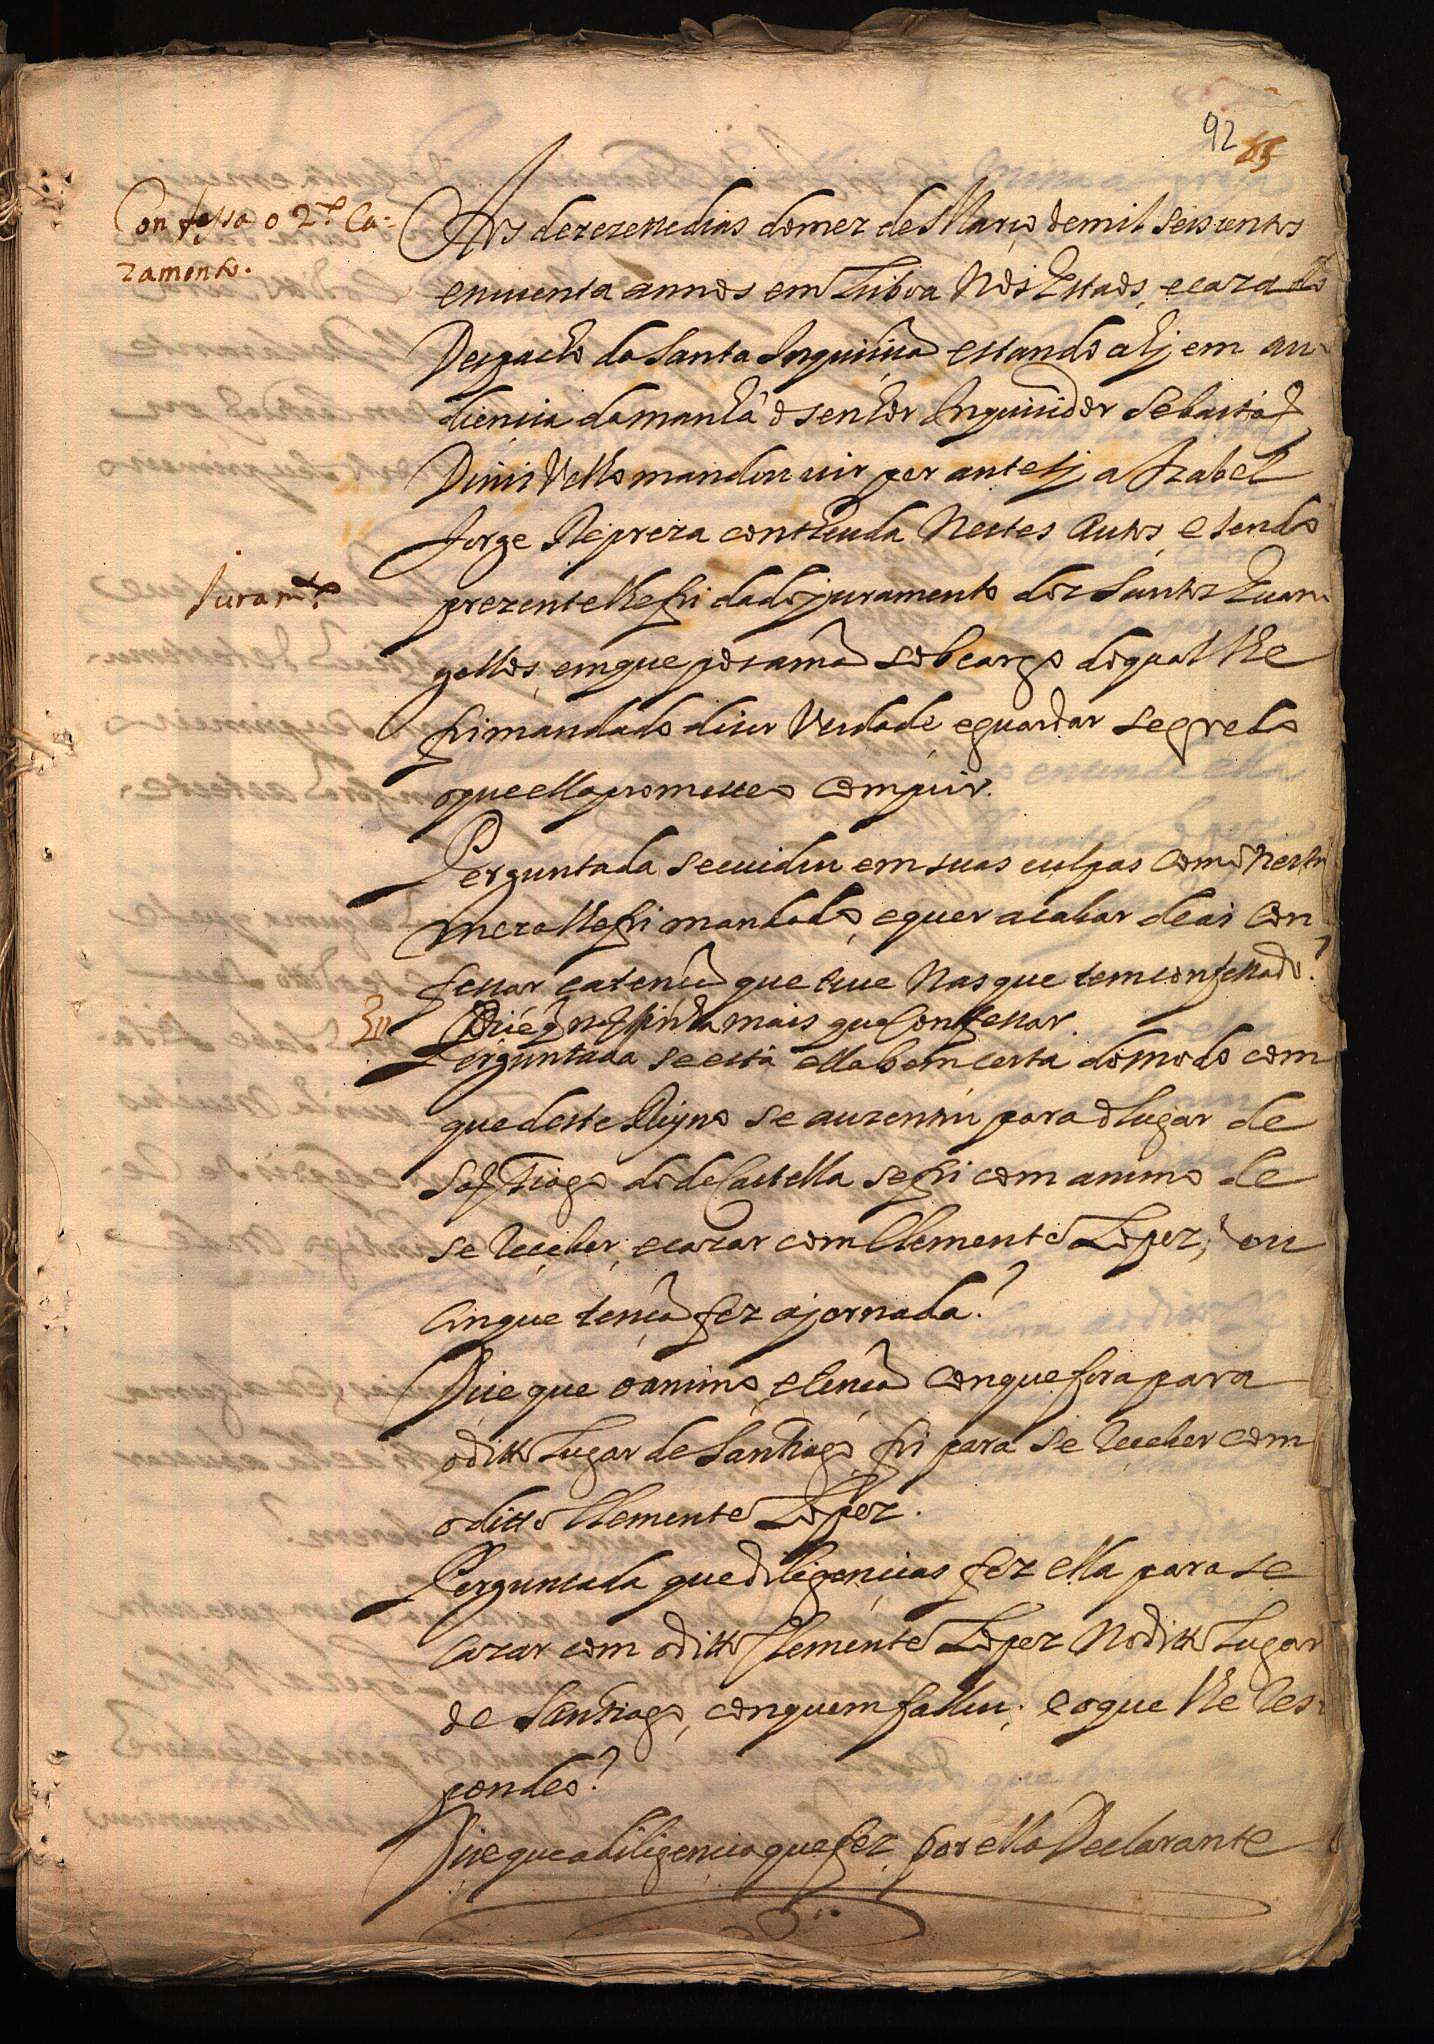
Aos dezezette dias do mez de Março de mil seiscentos
e nuuenta annos em Lisboa nos Estaos, e caza do
Despacho da Santa Inquisiçaõ estando ahj em au
diençia da manhã o senhor Inquisidor Sebastiaõ
Dinis Velho mandou uir perante sj a Izabel
Jorge Re preza contheuda nestes autos, e sendo
prezente lhe foi dado juramento dos Santos Euan
gelhos, em que pos a maõ sob cargo do qual lhe
foi mandado diser Verdade, e guardar segredo
o que ella prometteo comprir.
Perguntada se cuidou em suas culpas como nesta
meza lhe foi mandado, e quer acabar de as con
fessar, e a tençaõ que teue nas que tem confessado?
Dise q̄ naõ tinha mais que Confessar.
Perguntada se está ella bem çerta do modo com
que deste Reyno se auzentou para o lugar de
Saõ Tiago do de Castella se foi com animo de
se reçeber, e cazar com Clemente Lopez, e em
con que tençaõ fez a jornada?
Diçe que o animo, e tençaõ con que fora para
o ditto Lugar de SanTiago foi para se Reçeber com
o ditto Clemente Lopez.
Perguntada que diligençias fez ella para se
cazar com o ditto Clemente Lopez no ditto Lugar
de SanTiago, con quem fallou; e o que lhe Res
pondeo?
Dise que a diligençia que fez, por ella Declarante
Confessa o 2.o Ca=
zamento.
Iuram.to
